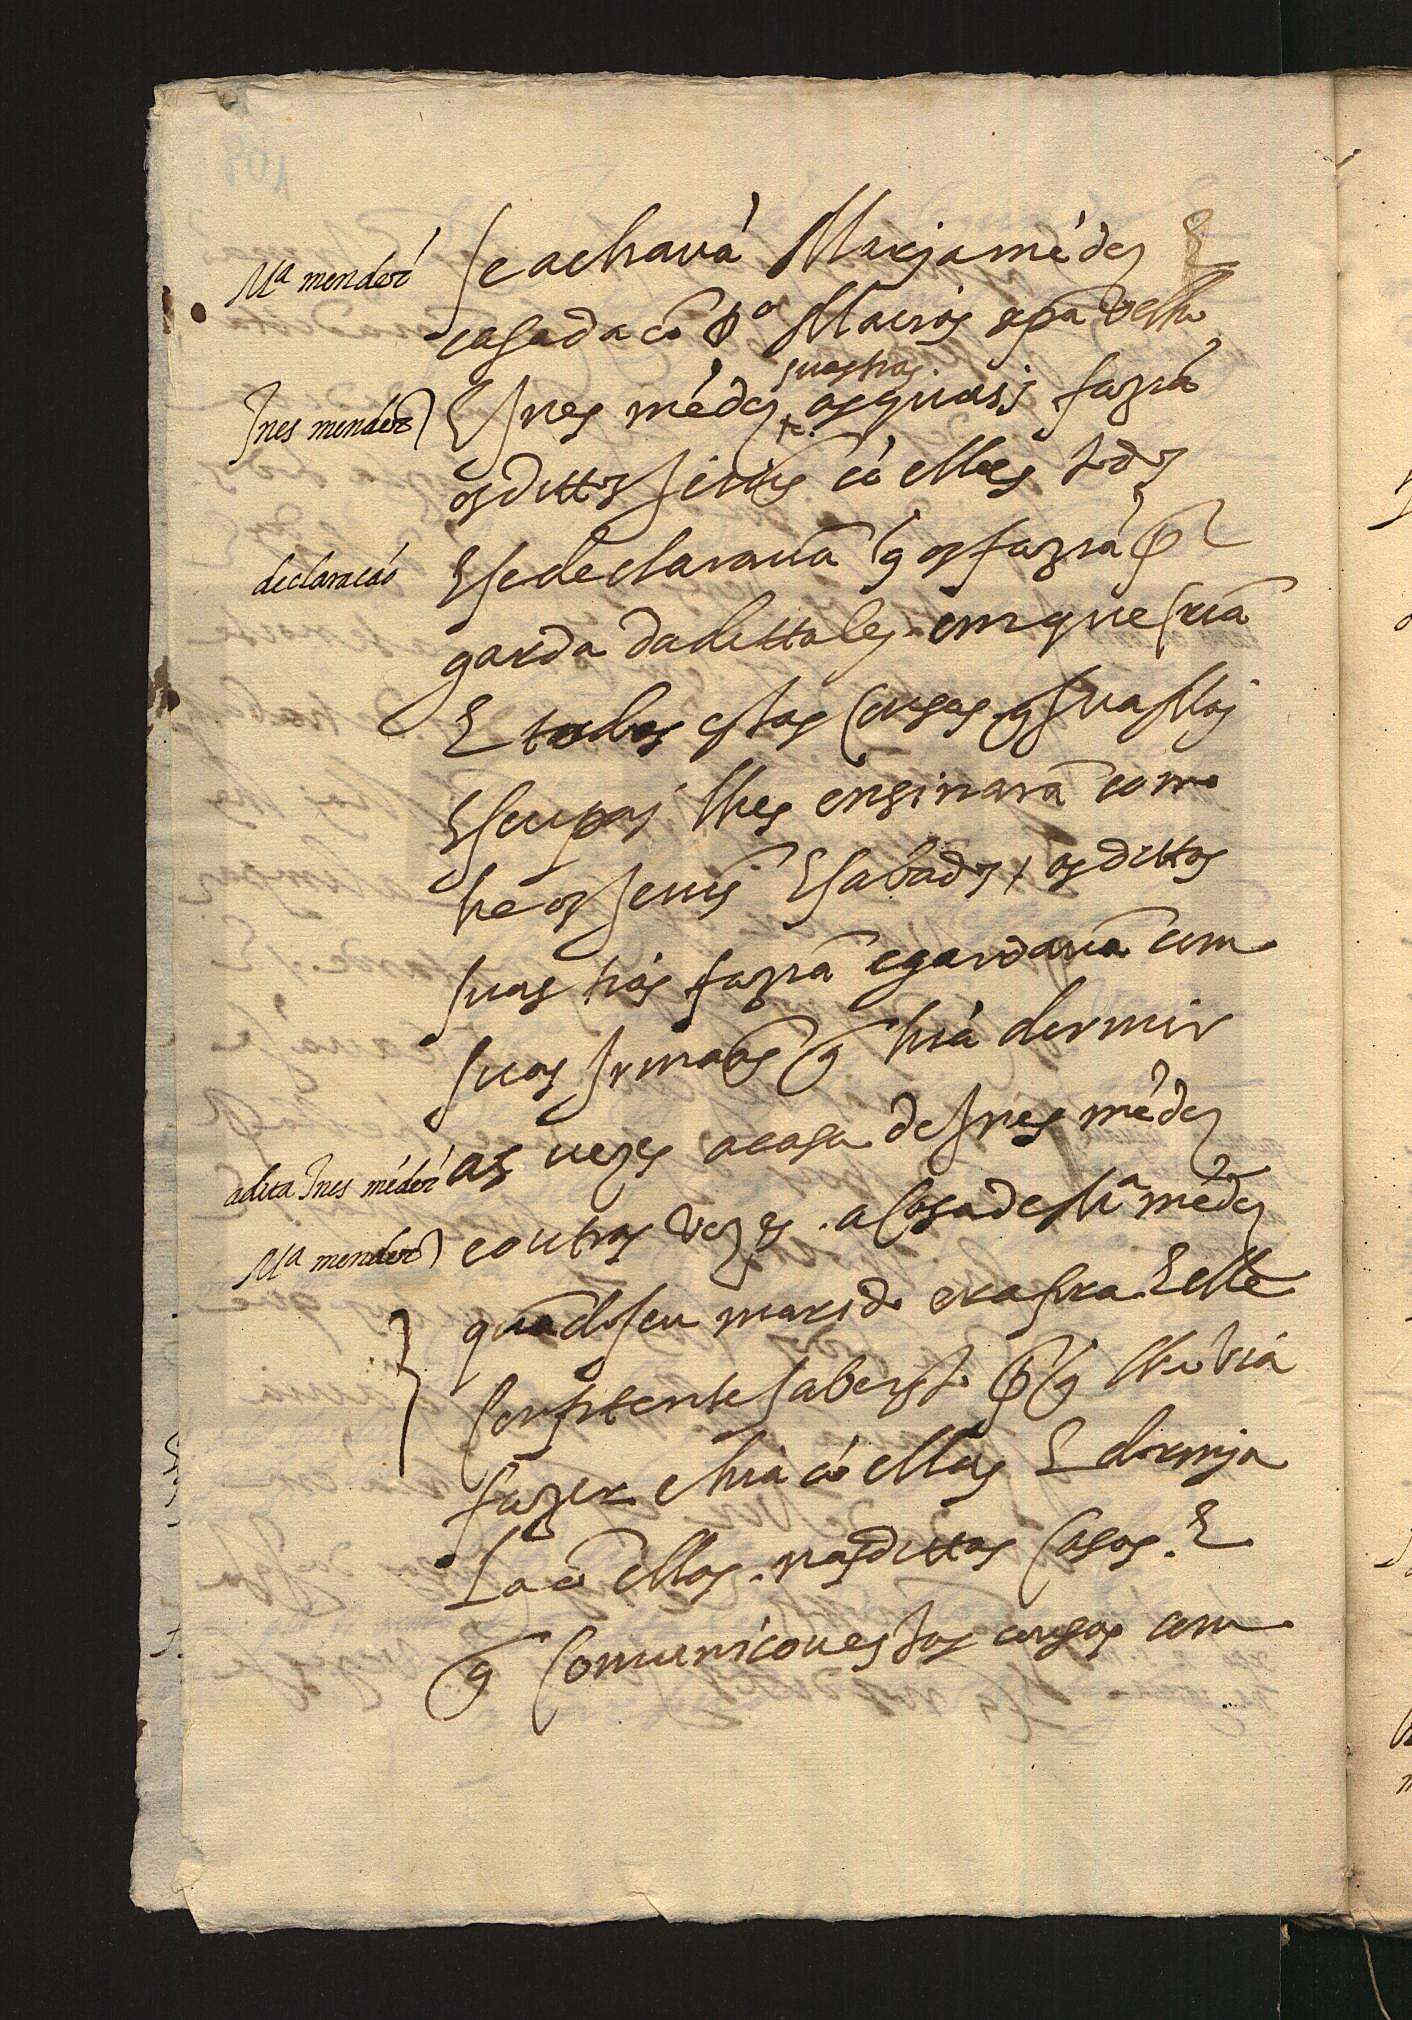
se achauā Marja mēdez E
Ma mendez
casada cō Do Macias xpā velho
E Jnes mēdez
suas tias
as quais faziaõ
Jnes mendez
os dittos Jeius cō ellas todos
E se declarauā q̄ os faziā p̄
declaraçaõ
garda da ditta lej em que Criā
E todas estas Cousas q̄ sua Maj
E seu paj lhes ensinarā como
he os Jeiūs E sabados, as dittas
suas tias faziā e gardauā com
suas Jrmaãs q̄ hiā dormir
a dita Ines mēdez
as uezes a casa de Jnes mēdez
Ma mendez
e outras vezes a Casa de Ma mēdez
quādo seu marido era fora E elle
Confitente sabe isto p̄ q̄ lho via
fazer e hia cō ellas E dormja
La cō ellas nas dittas Casas. E
q̄ Comunicou estas cousas com
